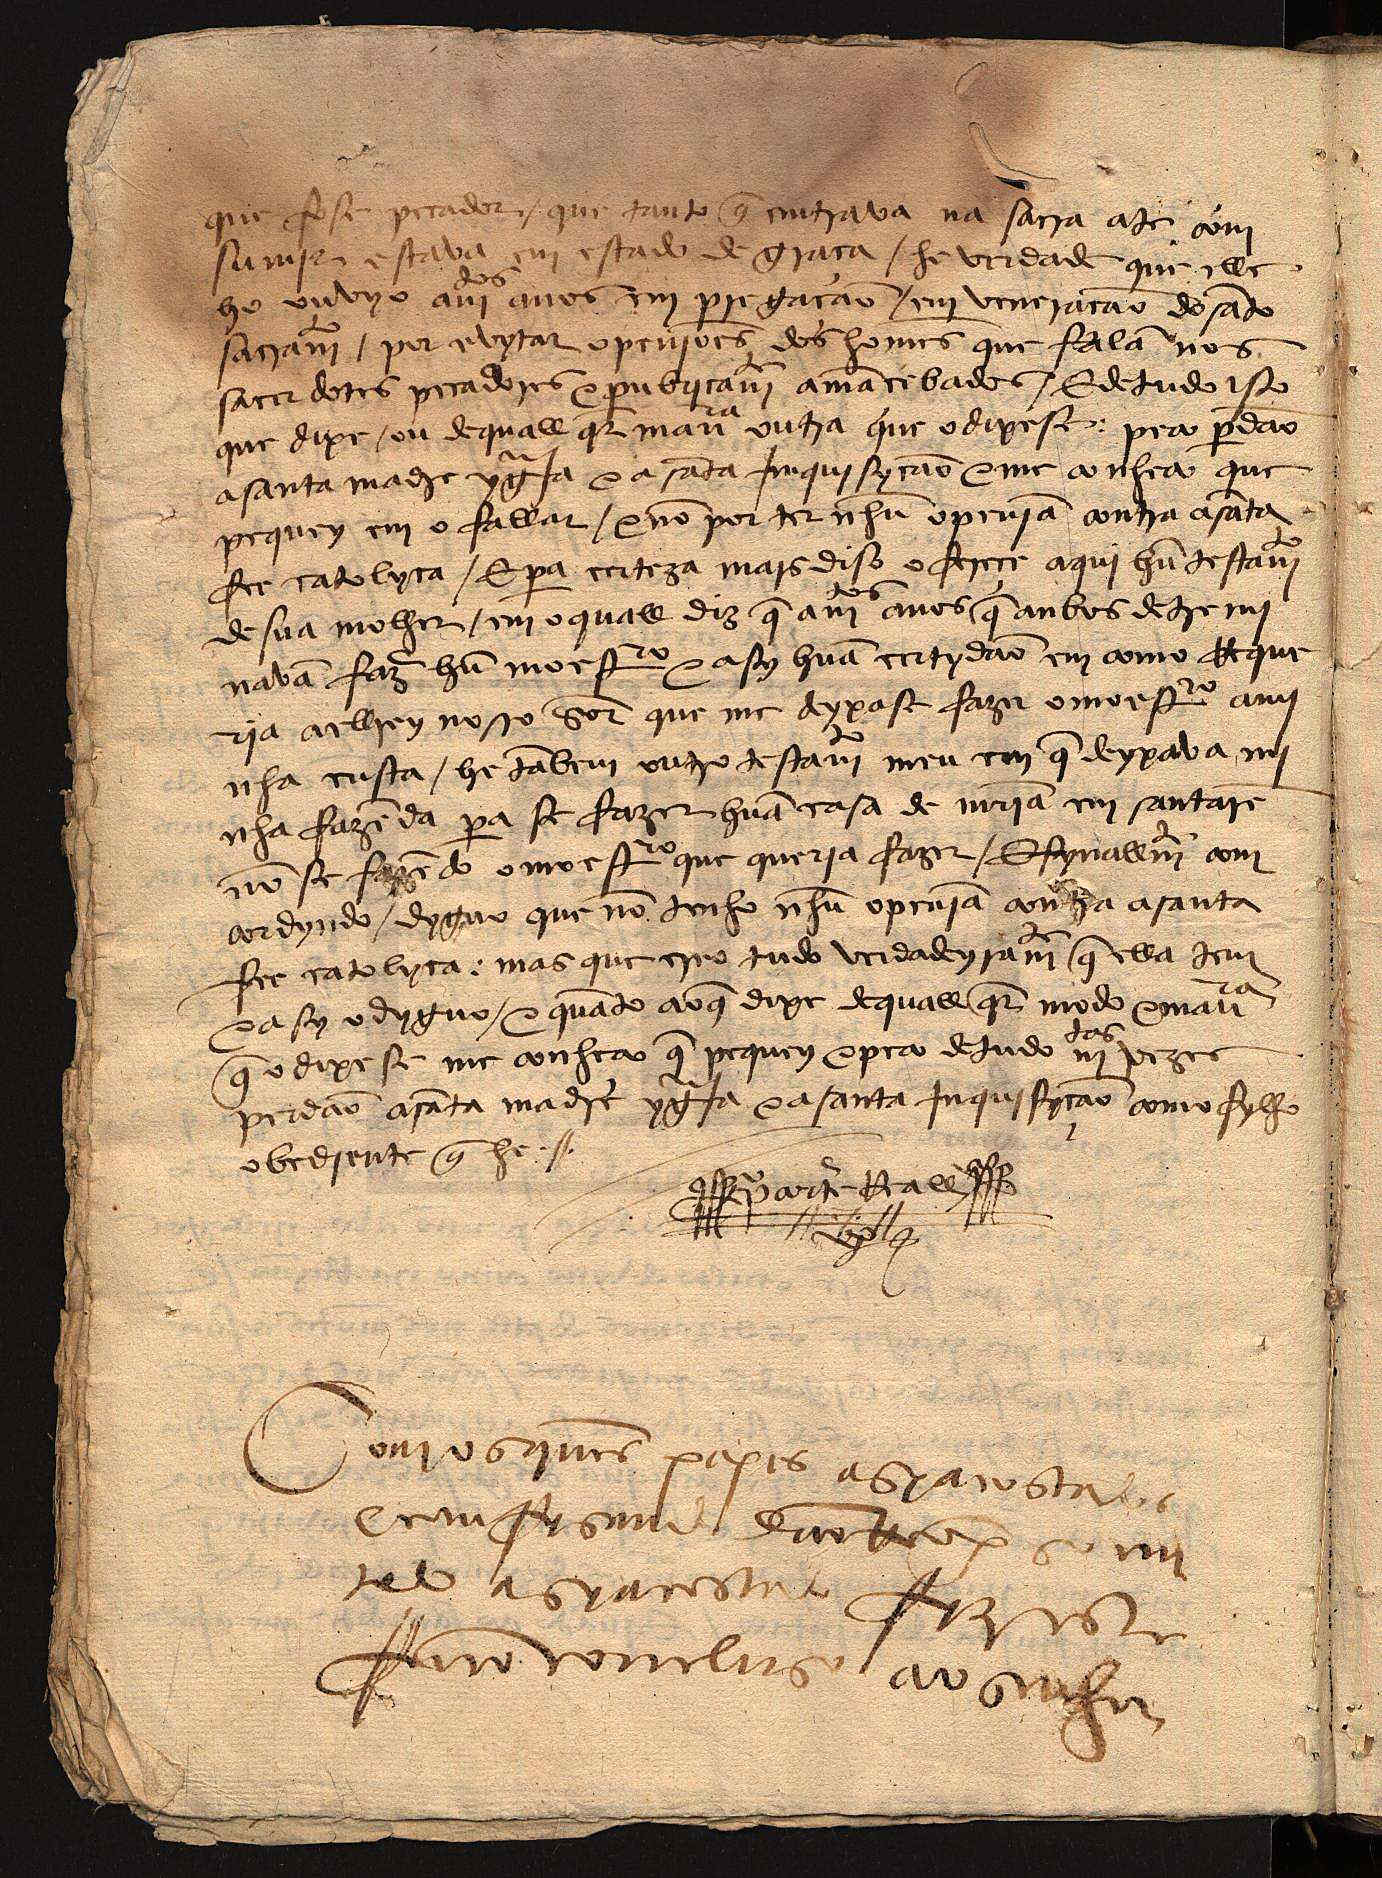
que fose pecador / que tanto q̄ emtrava na sacra ate com
sumjr estava em estado de graça / he verdade que elle
ho ouvyo a mtos anos em pregação / em veneração do s̄ato
sacramto / por evytar openjões dos hom̄es que falā nos
sacerdotes pecadores e pubrjcamte am̄açebados / E de tudo isto
que dixe / ou de quallq̄r manra outra que o dixese : peco ꝑdão
a santa madre yḡJa e a s̄ata Jmqujsycão e me conheco que
pequey em o fallar / e n̄o por ter nhū openj̄a contra a s̄ata
fee catolyca / E ꝑa certeza majs diso ofereçe aquj hū testamto
de sua molher / em o quall diz q̄ a mtos anos q̄ anbos detremj
navā fazē hū moestro e asy huā certydão em como Reque
rja a ell rey nosso S̄or que me deyxase fazer o moestro a mj
nha custa / he t̄abem outro testamto meu em q̄ deyxava mj
nha fazēda ꝑa se fazer huā casa de mr̄ja em santāre
n̄o se fazēdo o moestro que querja fazer / E fynallmte com
cordyndo / dyguo que n̄o tenho nhū open̄ja contra a santa
fee catolyca : mas que creo tudo verdadeyramte q̄ ella tem
e asy o dyguo / e qūato ao q̄ dixe de qualq̄r modo e manra
q̄ o dixese me conheço q̄ pequey e peco de tudo mtas vezes
perdão a s̄ata madre yḡJa e a santa Jnqujsyção como fylho
obedjente q̄ he ://.
Com os qūes papes asy acostados
e comfysam do dito Reo p̄so em
tudo asy acostado fiz este
fēco concluso ao senhor
